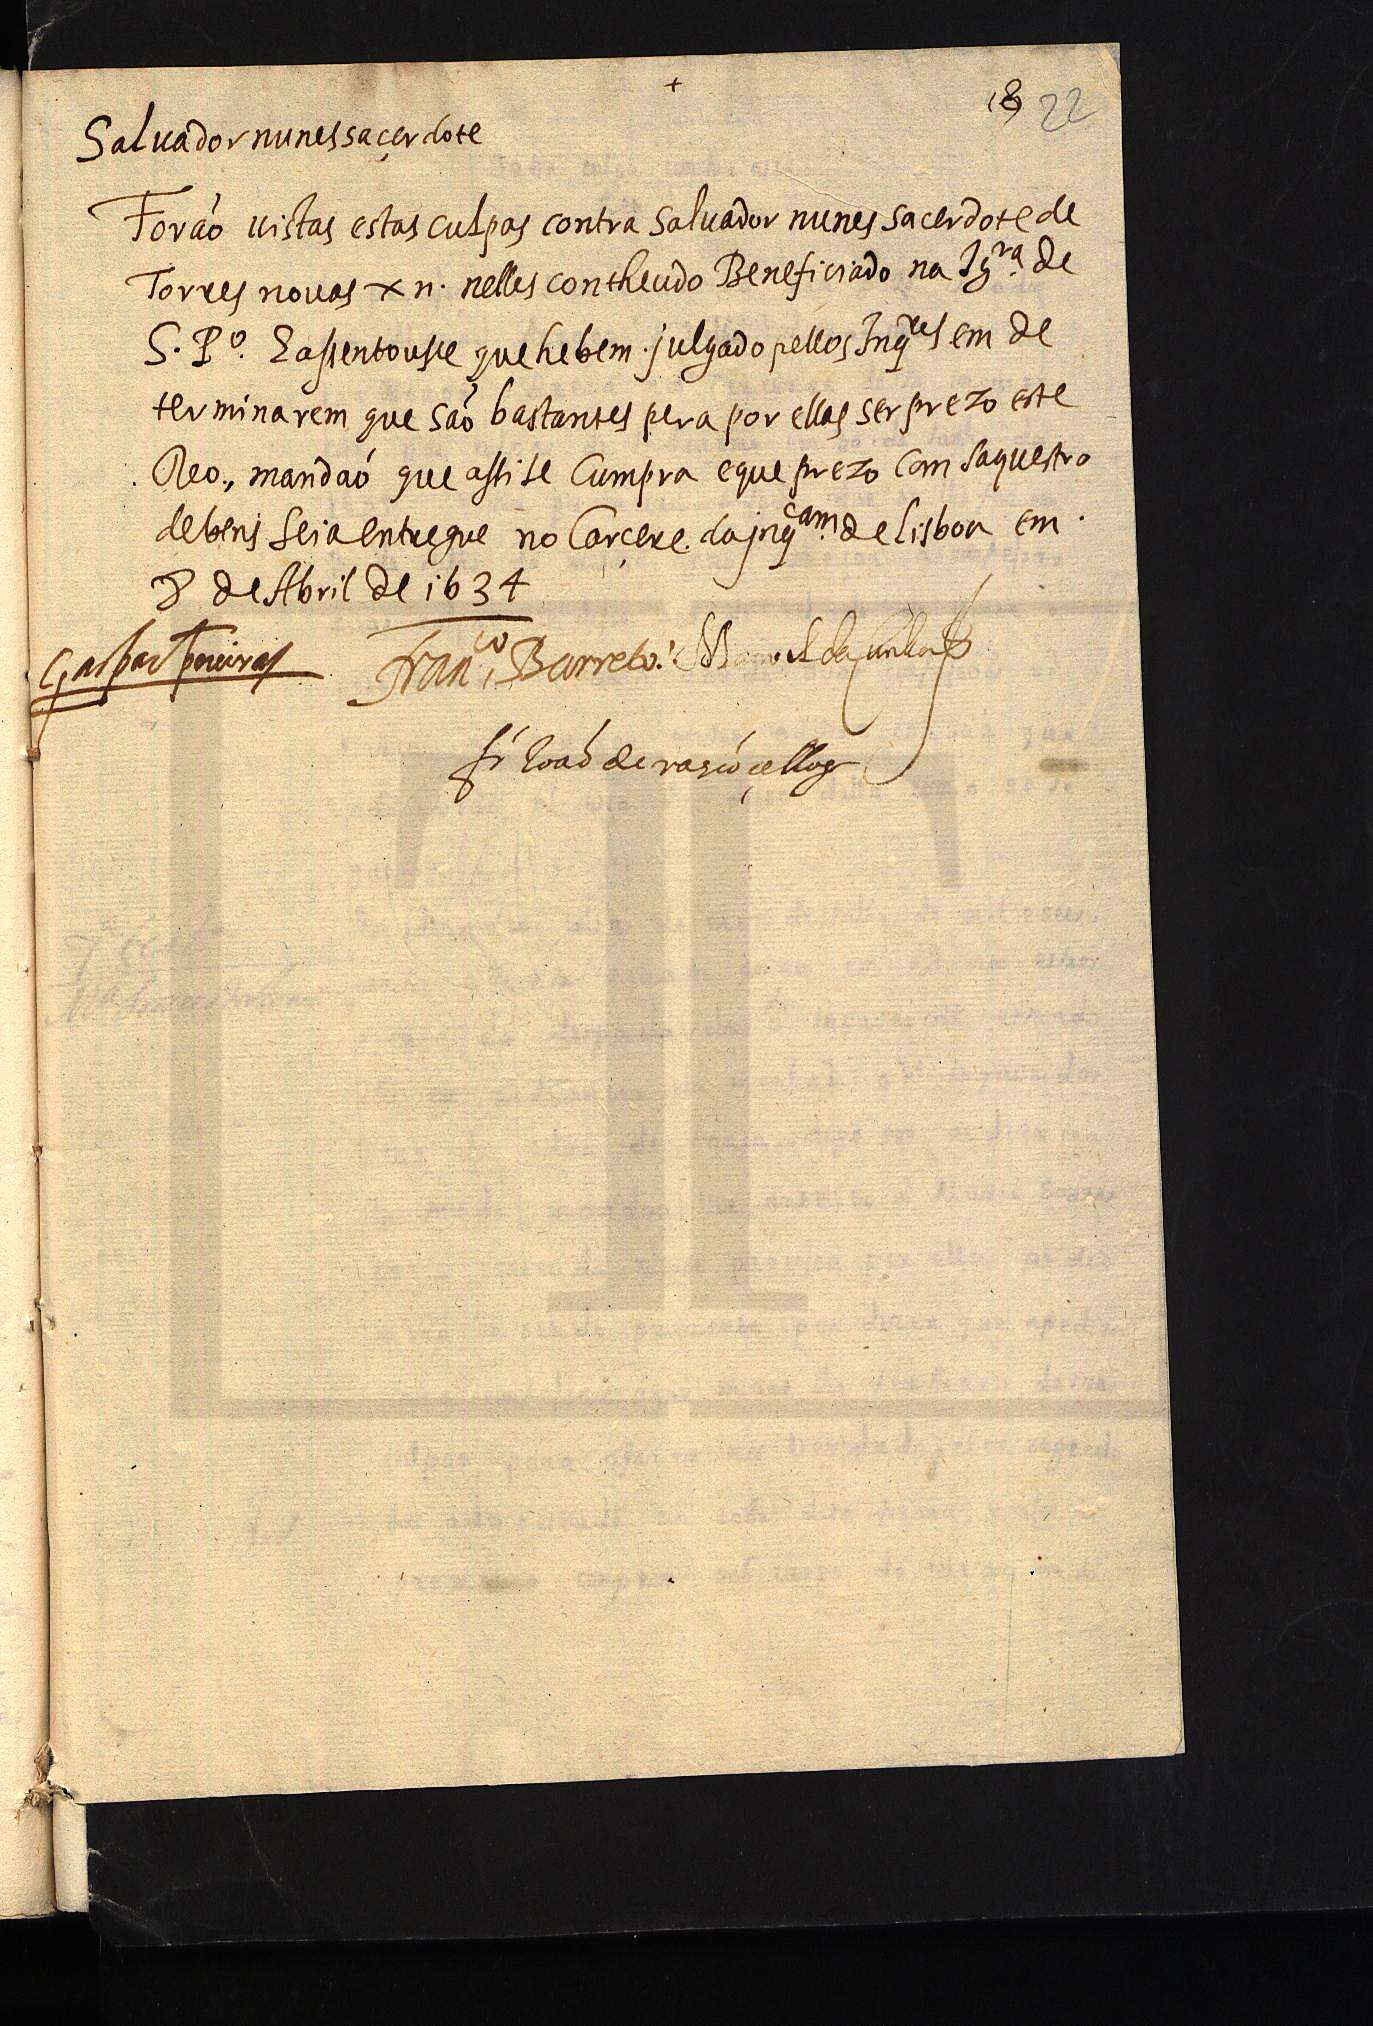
Saluador nunes saçerdote
Forão uistas estas culpas contra saluador nunes sacerdote de
Torres nouas x n. nelles contheudo Beneficiado na Igra. de
S. Po. E assentousse que he bem julgado pellos Inqres em de
terminarem que são bastantes pera por ellas ser prezo este
Reo, mandaõ que assi se Cumpra e que prezo com saquestro
de bens seia entregue no Carçere da jnqcam. de Lisboa em
8 de Abril de i634
